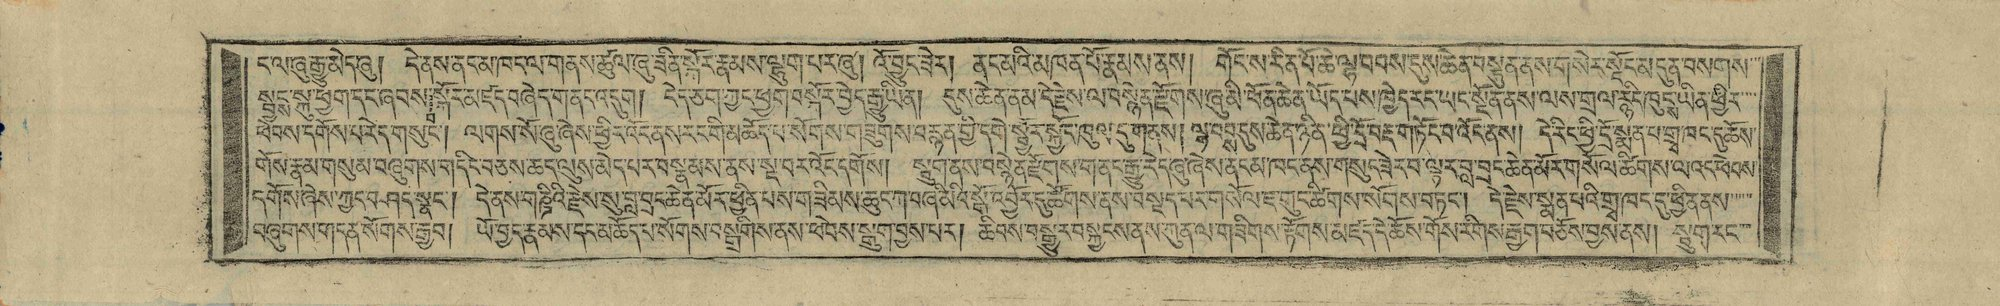ང་ལ་ཞུ་རྒྱུ་མེད་ཞུ། དེ་ནས་ནང་མ་ཁང་ལ་གནས་ཚུལ་ཞུ་ཟིན་སྐོར་རྣམས་ལྷུག་པར་ཞུ། འོ་བྱུང་ཟེར། ནང་མའི་མཁན་པོ་རྣམས་ནས། གོང་ས་རིན་པོ་ཆེ་ལྷ་བབས་དུས་ཆེན་བསྟུན་ནས་གསེར་སྡོང་མདུན་བསགས་
སྦྱངས་སྐུ་ཕྱག་དང་ཞབས་བསྐོར་མཛད་བཞེད་གནང་འདུག །ངེད་ཅག་ཀྱང་ཕྱག་བསྐོར་བྱེད་རྒྱུ་ཡིན། དུས་ཆེན་ནམ་དེ་རྗེས་ལ་བསྙེན་རྫོགས་ཞུ་མི་ཕོན་ཆེན་ཡོད་པས་ཁྱེད་རང་ཡང་སྔོན་ནས་ལས་གྲལ་རྙིང་ཁུངས་ཡིན་ཕྱིར་
ཕེབས་དགོས་པ་རེད་གསུང་། ལགས་སོ་ཞུ་ཞེས་ཕྱིར་འོང་ནས་རང་གི་མཆོད་པ་སོགས་གཟུགས་བརྙན་གྱི་དགེ་སྦྱོར་སྐྱོང་ཁུལ་དུ་གནས། ལྷ་བབས་དུས་ཆེན་ཉིན་ཕྱི་དྲོ་བརྡ་གཏོང་བ་འོང་ནས། དེ་རིང་ཕྱི་དྲོ་སྨན་པ་གྲྭ་ཁང་དུ་ཆོས་
གོས་རྣམ་གསུམ་བཞུགས་གདིང་བཅས་ཆད་ལུས་མེད་པར་བསྣམས་ནས་སྔ་བར་འོང་དགོས། སྦུག་ནས་བསྙེན་རྫོགས་གནང་རྒྱུ་རེད་ཞུ་ཞེས་ནང་མ་ཁང་ནས་གསུང་ཟེར་བ་ལྟར་བླ་བྲང་ཆེན་མོར་གསོལ་ཚིགས་ལའང་ཕེབས་
དགོས་ཞེས་ཀྱང་བཤད་སྣང་། དེ་ནས་གཎྜིའི་རྗེས་སུ་བླ་བྲང་ཆེན་མོར་ཕྱིན་པས་གཟིམས་ཆུང་ཀ་བཞི་མའི་སྒོ་འབྱོར་དུ་ཚོགས་ནས་བསྡད་པར་གསོལ་ཇ་གུང་ཚིགས་སོགས་བཏང་། དེ་རྗེས་སྨན་པའི་གྲྭ་ཁང་དུ་ཕྱིན་ནས་
བཞུགས་གདན་སོགས་རྒྱབ། ཡོ་བྱད་རྣམས་དང་མཆོད་པ་སོགས་བསྒྲིགས་ནས་ཕེབས་སྒུག་བྱས་པར། ཆིབས་བསྒྱུར་བསྐྱངས་ནས་ཀུན་ལ་གཟིགས་རྟོགས་མཛད་དེ་ཆོས་གོས་རིགས་རྒྱག་བཅོས་བྱས་ནས། སྦུག་རང་